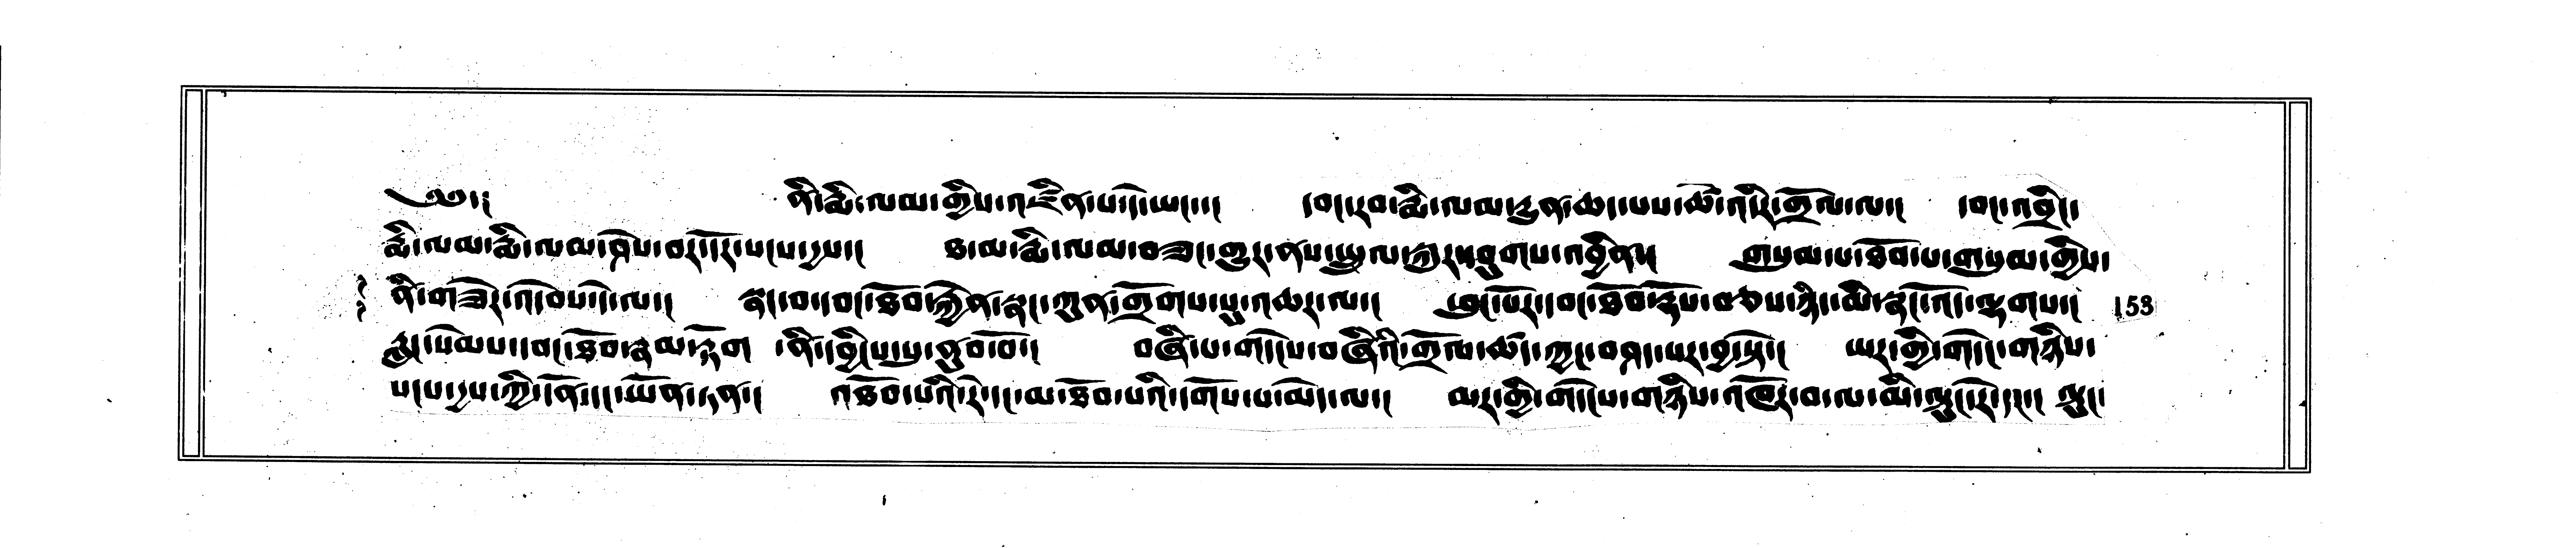ནི་རྨི་ལམ་གྱིས་འཛིན་པ་དེ་ཡང་། །དབང་རབ་རྨི་ལམ་རྒྱུན་ཆད་པས་ཚེ་འདིར་གྲོལ་ལ། །དབང་འབྲིང་
རྨི་ལམ་རྨི་ལམ་ཤེས་བར་དོར་སངས་རྒྱས། །ཐ་མ་རྨི་ལམ་བཟང་གྱུར་ནས་སྤྲུལ་སྐུར་དབུགས་འབྱིན། །གསུམ་པ་ཐོབ་པ་གསུམ་གྱིས་
ནི་གཟེར་འདེབས་དེ་ལ། །སྣང་བ་དབང་ཐོབ་རྐྱེན་སྣང་ཀུན་གྲོགས་སུ་འཆར་ལ། །ཕུང་པོར་དབང་ཐོབ་གདོས་བཅས་ཉིད་མི་སྣང་འོད་ལྷགས། །
རླུང་སེམས་དབང་ཐོབ་རྣམ་རྟོག་ནི་དབྱིངས་སུ་ནུབ་བོ། །བཞི་པ་གདེང་བཞིའི་གྲོལ་ཚད་ཀྱང་བཤད་པར་བྱ་སྟེ། །ཡར་གྱི་གདེང་གཉིས་
སངས་རྒྱས་ཀྱི་དོན་དང་ཡོན་ཏན། །འཐོབ་པའི་རེ་དང་མ་ཐོབ་པའི་དྭོགས་པ་མེད་ལ། །མར་གྱི་གདེང་གཉིས་འཁོར་བ་ལ་མི་ལྟུང་རེ་དང་། །ལྟུང་